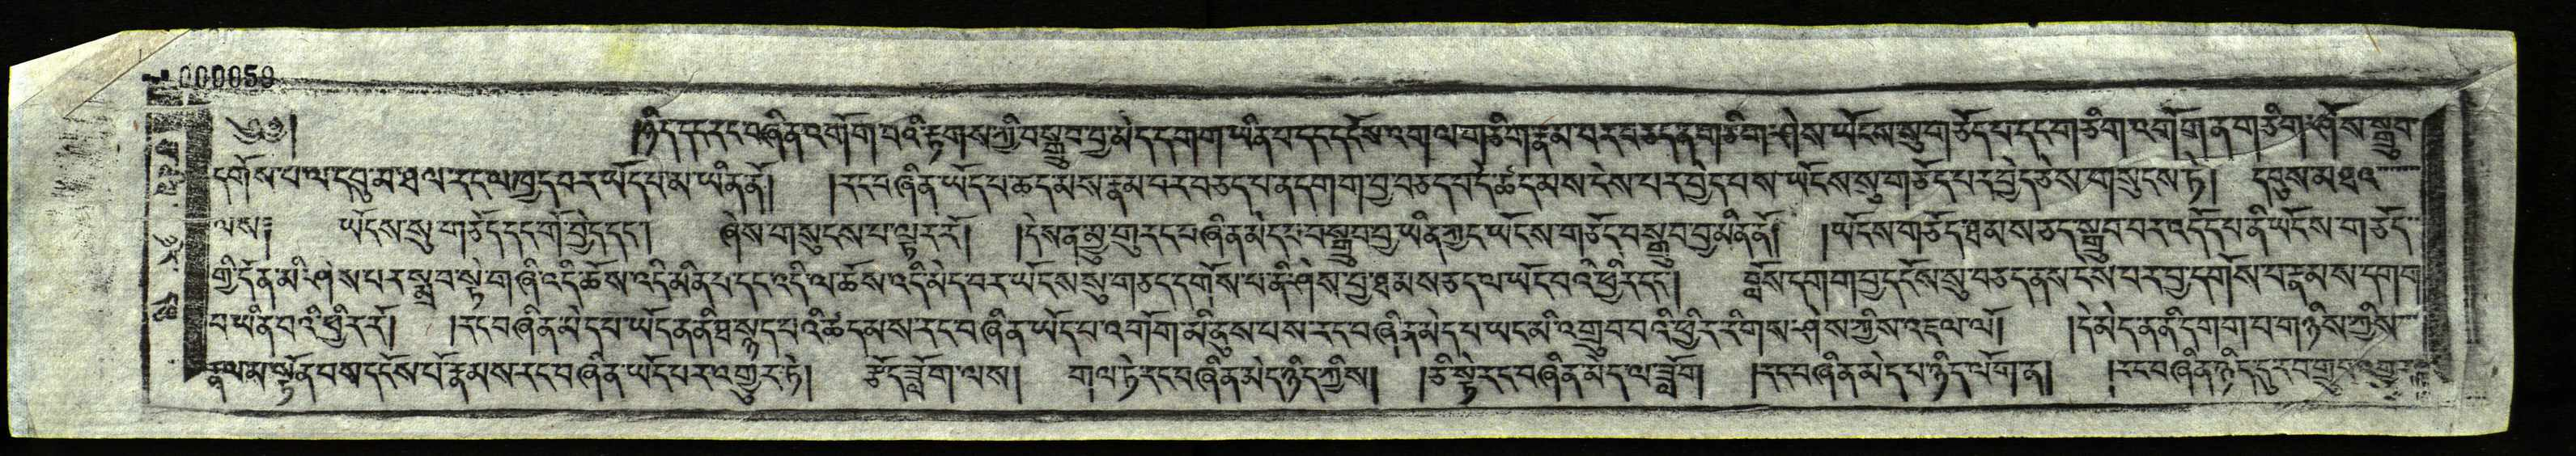༄༅། །ཉིད་དང་རང་བཞིན་འགོག་པའི་རྟགས་ཀྱི་བསྒྲུབ་བྱ་མེད་དགག་ཡིན་པ་དང་དངོས་འགལ་གཅིག་རྣམ་པར་བཅད་ན་གཅིག་ཤེས་ཡོངས་སུ་གཅོད་པ་དང་གཅིག་འགོག་ན་གཅིག་ཤོས་སྒྲུབ་
དགོས་པ་ལ་དབུ་མ་ཐལ་རང་ལ་ཁྱད་པར་ཡོད་པ་མ་ཡིན་ནོ། །རང་བཞིན་ཡོད་པ་ཚད་མས་རྣམ་པར་བཅད་པ་ན་དགག་བྱ་བཅད་པ་དེ་ཚད་མས་ངེས་པར་བྱེད་པས་ཡོངས་སུ་གཅོད་པར་བྱེད་ཅེས་གསུངས་ཏེ། དབུས་མཐའ་
ལས༑ ཡོངས་སུ་གཅོད་དང་གོ་བྱེད་དང་། ཞེས་གསུངས་པ་ལྟར་རོ། །དེས་ན་མྱུ་གུ་རང་བཞིན་མེད་པ་བསྒྲུབ་བྱ་ཡིན་ཀྱང་ཡོངས་གཅོད་བསྒྲུབ་བྱ་མིན་ནོ། །ཡོངས་གཅོད་ཐམས་ཅད་སྒྲུབ་པར་འདོད་པ་ནི་ཡོངས་གཅོད་
གྱི་དོན་མི་ཤེས་པར་སྨྲ་བ་སྟེ་གཞི་འདི་ཆོས་འདི་མིན་པ་དང་འདི་ལ་ཆོས་འདི་མེད་པར་ཡོངས་སུ་གཅད་དགོས་པ་ནི་ཤེས་བྱ་ཐམས་ཅད་ལ་ཡོད་པའི་ཕྱིར་དང་། བློས་དགག་བྱ་དངོས་སུ་བཅད་ནས་ངེས་པར་བྱ་དགོས་པ་རྣམས་དགག་
པ་ཡིན་པའི་ཕྱིར་རོ། །རང་བཞིན་མེད་པ་ཡོད་ན་ནི་ཐ་སྙད་པའི་ཚད་མས་རང་བཞིན་ཡོད་པ་འགོག་མི་ནུས་པས་རང་བཞིན་མེད་པ་ཡང་མི་འགྲུབ་བའི་ཕྱིར་རིགས་ཤེས་ཀྱིས་འཇལ་ལོ། །དེ་མེད་ན་ནི་དགག་པ་གཉིས་ཀྱིས་
རྣལ་མ་སྟོན་པས་དངོས་པོ་རྣམས་རང་བཞིན་ཡོད་པར་འགྱུར་ཏེ། རྩོད་ཟློག་ལས། གལ་ཏེ་རང་བཞིན་མེད་ཉིད་ཀྱིས། །ཅི་སྟེ་རང་བཞིན་མེད་ལ་ཟློག །རང་བཞིན་མེད་པ་ཉིད་ལོག་ན། །རང་བཞིན་ཉིད་དུ་རབ་གྲུབ་འགྱུར་